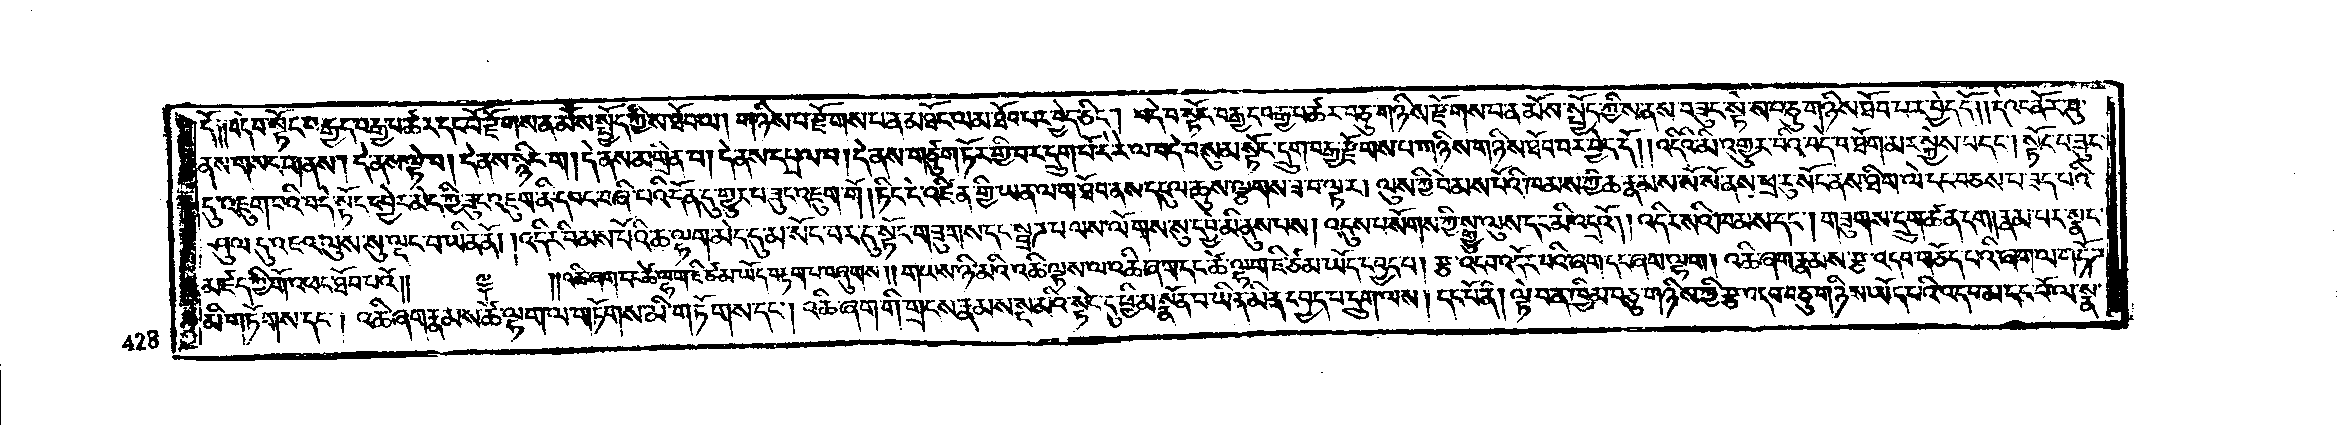དོ། །བདེ་བ་སྟོང་བརྒྱད་བརྒྱ་པ་ཚར་དང་པོ་རྫོགས་ན་མོས་སྤྱོད་ཀྱིས་ཐོབ་ལ། གཉིས་པ་རྫོགས་པ་ན་མཐོང་ལམ་ཐོབ་པར་བྱེད་ཅིང་། བདེ་བ་སྟོང་བརྒྱད་བརྒྱ་པ་ཚར་བཅུ་གཉིས་རྫོགས་པ་ན་མོས་སྤྱོད་ཀྱི་ས་ནས་བཟུང་སྟེ་ས་བཅུ་གཉིས་ཐོབ་པར་བྱེད་དོ། །དེའང་ནོར་བུ་
ནས་གསང་གནས། དེ་ནས་ལྟེ་བ། དེ་ནས་སྙིང་ག །དེ་ནས་མགྲིན་པ། དེ་ནས་དཔྲལ་བ། དེ་ནས་གཙུག་ཏོར་གྱི་བར་དྲུག་པོ་རེ་རེ་ལ་བདེ་བ་སུམ་སྟོང་དྲུག་བརྒྱ་རྫོགས་པ་གཉིས་གཉིས་ཐོབ་པར་བྱེད་དོ། །འདིའི་མི་འགྱུར་བའི་བདེ་བ་ཐོག་མར་སྐྱེས་པ་དང་། སྟོང་པ་ཟུང་
དུ་འཇུག་པའི་བདེ་སྟོང་དབྱེར་མེད་ཀྱི་ཟུང་འཇུག་ནི་དབང་བཞི་བའི་དོན་དུ་གྱུར་པ་ཟུང་འཇུག་གོ །ཏིང་ངེ་འཛིན་གྱི་ཡན་ལག་ཐོབ་ནས་དངུལ་ཆུས་ལྕགས་ཟ་བ་ལྟར། ལུས་ཀྱི་བེམས་པོའི་ཁམས་ཀྱི་ཆ་རྣམས་སོ་སོ་ནས་ཕྲ་རུ་སོང་ནས་ཐིག་ལེ་དང་བཅས་པ་ཟད་པའི་
ཤུལ་དུ་འཇའ་ལུས་སུ་ལྡང་བ་ཡིན་ནོ། །འདིར་བིམས་བོའི་ཆ་ལྷག་མེད་དུ་མ་སོང་བར་དུ་སྟོང་གཟུགས་དང་སྦྲགས་པ་ལས་ལོགས་སུ་དབྱེ་མི་ནུས་པས། འདུས་པ་སོགས་ཀྱི་སྒྱུ་ལུས་དང་མི་འདྲའོ། །འདིར་སའི་ཁམས་དང་། གཟུགས་དྲུག་ཚན་དག །རྣམ་པར་སྣང་
མཛད་ཀྱི་གོ་འཕང་ཐོབ་པའོ།། ༈ །།འཆི་ཞག་དང་ཚེ་ལྷག་ཇི་ཙམ་ཡོད་བརྟག་པ་བཞུགས། །གཡས་ཉི་མའི་འཆི་ལྟས་ལ་འཆི་ཞག་དང་ཚེ་ལྷག་ཇི་ཙམ་ཡོད་དཔྱད་པ། རྩ་འདབ་འདོད་པའི་ཞག་དང་ཞག་ལྷག །འཆི་ཞག་རྣམས་རྩ་འདབ་གཅོད་པའི་ཞག་ལ་གཏོགས་
མི་གཏོགས་དང་། འཆི་ཞག་རྣམས་ཚེ་ལྷག་ལ་གཏོགས་མི་གཏོགས་དང་། འཆི་ཞག་གི་གྲངས་རྣམས་སྔ་མའི་སྟེང་དུ་ཕྱི་མ་སྣོན་པ་ཡིན་མིན་དཔྱད་པ་དྲུག་ལས། དང་པོ་ནི། ལྟེ་བ་ན་ཁྱིམ་བཅུ་གཉིས་ཀྱི་རྩ་འདབ་བཅུ་གཉིས་ཡོད་པའི་འདབ་མ་དང་པོ་ལ་སྣ་